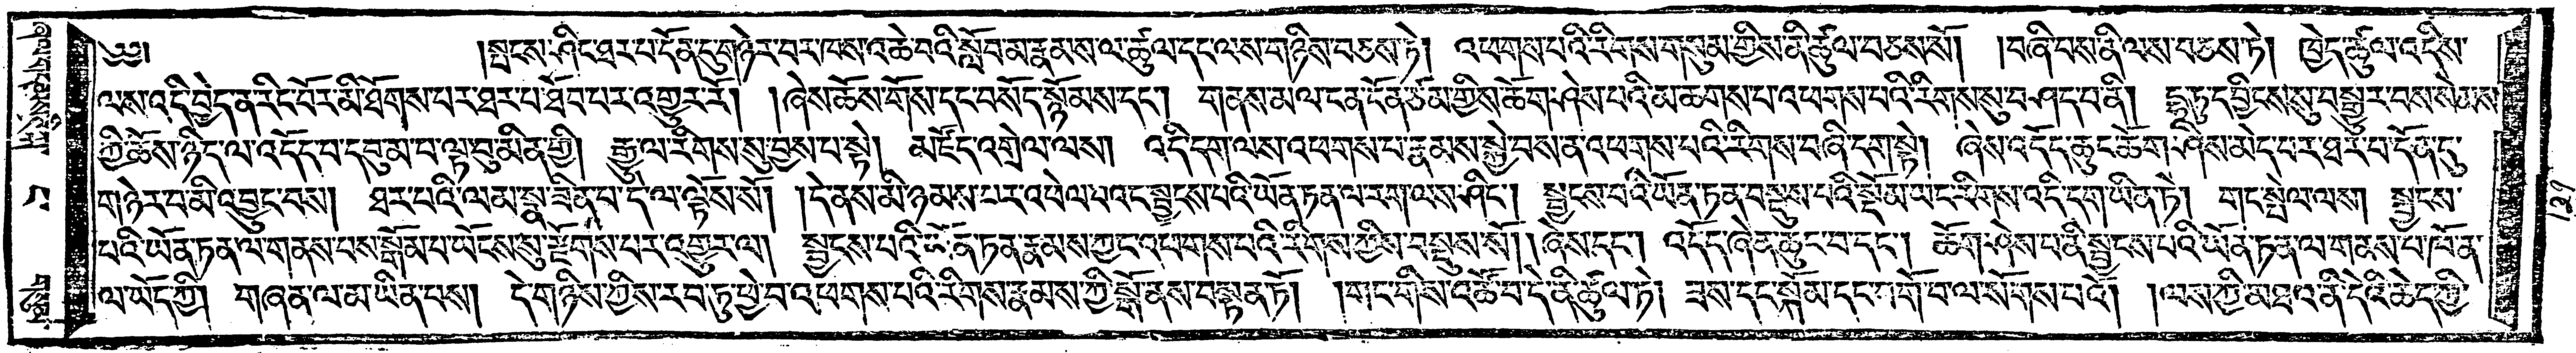༄༅། །སྤངས་ཤིང་ཐར་པ་དོན་དུ་གཉེར་བར་ཁས་འཆེ་བའི་སློབ་མ་རྣམས་ལ་ཚུལ་དང་ལས་གཉིས་བཅས་ཏེ། འཕགས་པའི་རིགས་གསུམ་གྱིས་ནི་ཚུལ་བཅས་སོ། །བཞི་པས་ནི་ལས་བཅས་ཏེ། ཁྱེད་ཚུལ་འདིས་
ལས་འདི་བྱེད་ན་རིང་པོར་མི་ཐོགས་པར་ཐར་པ་ཐོབ་པར་འགྱུར་རོ། །ཞེས་ཆོས་གོས་དང་བསོད་སྙོམས་དང་། གནས་མལ་ངན་ངོན་ཙམ་གྱིས་ཆོག་ཤེས་པའི་མ་ཆགས་པ་འཕགས་པའི་རིགས་སུ་བཤད་པ་ནི། དྷཱ་ཏུ་དབྱིངས་སུ་བསྒྱུར་བས་སེམས་
ཀྱི་ཆོས་ཉིད་ལ་འདོད་པ་དབུ་མ་པ་ལྟ་བུ་མིན་གྱི། རྒྱུ་ལ་རིགས་སུ་བྱས་པ་སྟེ། མཛོད་འགྲེལ་ལས། འདི་དག་ལས་འཕགས་པ་རྣམས་སྐྱེ་བས་ན་འཕགས་པའི་རིགས་བཞི་དག་སྟེ། ཞེས་འདོད་ཆུང་ཆོག་ཤེས་མེད་པར་ཐར་བ་དོན་དུ་
གཉེར་བ་མི་འབྱུང་བས། ཐར་པའི་ལམ་སྣ་ཟིན་པ་དེ་ལ་ལྟོས་སོ། །དེ་ནས་མི་ཉམས་པར་འཕེལ་བའང་སྦྱངས་པའི་ཡོན་ཏན་ལ་རག་ལས་ཤིང་། སྦྱངས་པའི་ཡོན་ཏན་བསྡུས་པའི་སྡོམ་ཡང་རིགས་འདི་དག་ཡིན་ཏེ། གང་སྤེལ་ལས། སྦྱངས་
པའི་ཡོན་ཏན་ལ་གནས་པས་སྒོམ་པ་ཡོངས་སུ་རྫོགས་པར་འགྱུར་ལ། སྦྱངས་པའི་ཡོན་ཏན་རྣམས་ཀྱང་འཕགས་པའི་རིགས་ཀྱིས་བསྡུས་སོ། །ཞེས་དང་། འདོད་ཞེན་ཆུང་བ་དང་། ཆོག་ཤེས་པ་ནི་སྦྱངས་པའི་ཡོན་ཏན་ལ་གནས་པ་ཁོ་ན་
ལ་ཡོད་ཀྱི། གཞན་ལམ་ཡིན་པས། དེ་གཉིས་ཀྱིས་རབ་ཏུ་ཕྱེ་བ་འཕགས་པའི་རིགས་རྣམས་ཀྱི་སྒོ་ནས་བསྟན་ཏོ། །གང་གིས་འཚོ་བ་དེ་ནི་ཚུལ་ཏེ། ཟས་དང་སྐོམ་དང་བགོ་བ་ལ་སོགས་བའོ། །ལས་ཀྱི་མཐའ་ནི་དེའི་ཆེད་ཀྱི་